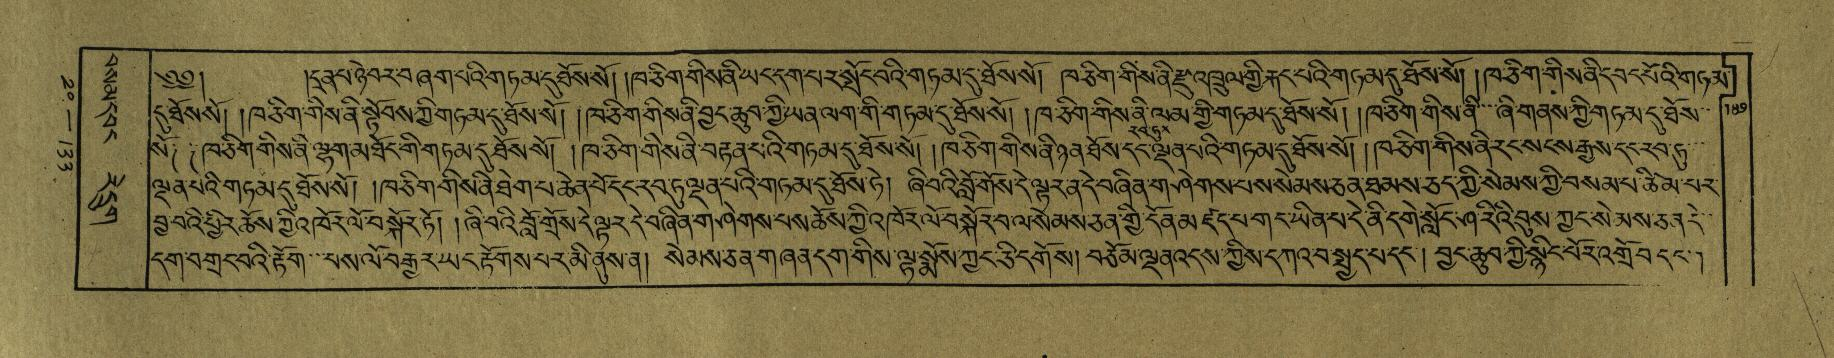༄༅། །དྲན་པ་ཉེ་བར་བཞག་པའི་གཏམ་དུ་ཐོས་སོ། །ཁ་ཅིག་གིས་ནི་ཡང་དག་པར་སྤོང་བའི་གཏམ་དུ་ཐོས་སོ། ཁ་ཅིག་གིས་ནི་རྫུ་འཁྲུལ་གྱི་རྐང་པའི་གཏམ་དུ་ཐོས་སོ། །ཁ་ཅིག་གིས་ནི་དབང་པོའི་གཏམ་
དུ་ཐོས་སོ། །ཁ་ཅིག་གིས་ནི་སྟོབས་ཀྱི་གཏམ་དུ་ཐོས་སོ། །ཁ་ཅིག་གིས་ནི་བྱང་ཆུབ་ཀྱི་ཡན་ལག་གི་གཏམ་དུ་ཐོས་སོ། །ཁ་ཅིག་གིས་ནི་རབ་ཏུ་ལམ་གྱི་གཏམ་དུ་ཐོས་སོ། །ཁ་ཅིག་གིས་ནི་ཞི་གནས་ཀྱི་གཏམ་དུ་ཐོས་
སོ༑ ༑ཁ་ཅིག་གིས་ནི་ལྷག་མཐོང་གི་གཏམ་དུ་ཐོས་སོ། །ཁ་ཅིག་གིས་ནི་བརྟན་པའི་གཏམ་དུ་ཐོས་སོ། །ཁ་ཅིག་གིས་ནི་ཉན་ཐོས་དང་ལྡན་པའི་གཏམ་དུ་ཐོས་སོ། །ཁ་ཅིག་གིས་ནི་རང་སངས་རྒྱས་དང་རབ་ཏུ་
ལྡན་པའི་གཏམ་དུ་ཐོས་སོ། །ཁ་ཅིག་གིས་ནི་ཐེག་པ་ཆེན་པོ་དང་རབ་ཏུ་ལྡན་པའི་གཏམ་དུ་ཐོས་ཏེ། ཞི་བའི་བློ་གོས་དེ་ལྟར་ན་དེ་བཞིན་གཤེགས་པས་སེམས་ཅན་ཐམས་ཅད་ཀྱི་སེམས་ཀྱི་བསམ་པ་ཚིམ་པར་
བྱ་བའི་ཕྱིར་ཆོས་ཀྱི་འཁོར་ལོ་བསྐོར་ཏོ། །ཞི་བའི་བློ་གྲོས་དེ་ལྟར་དེ་བཞིན་གཤེགས་པས་ཆོས་ཀྱི་འཁོར་ལོ་བསྐོར་བ་ལ་སེམས་ཅན་གྱི་དོན་མཛད་པ་གང་ཡིན་པ་དེ་ནི་དགེ་སློང་ཤ་རིའི་བུས་ཀྱང་སེམས་ཅན་དེ་
དག་བགྲང་བའི་རྟོག་པས་ལོ་བརྒྱར་ཡང་རྟོགས་པར་མི་ནུས་ན། སེམས་ཅན་གཞན་དག་གིས་ལྟ་སྨོས་ཀྱང་ཅི་དགོས། བཅོམ་ལྡན་འདས་ཀྱིས་དཀའ་བ་སྤྱད་པ་དང་། བྱང་ཆུབ་ཀྱི་སྙིང་པོར་འགྲོ་བ་དང་།